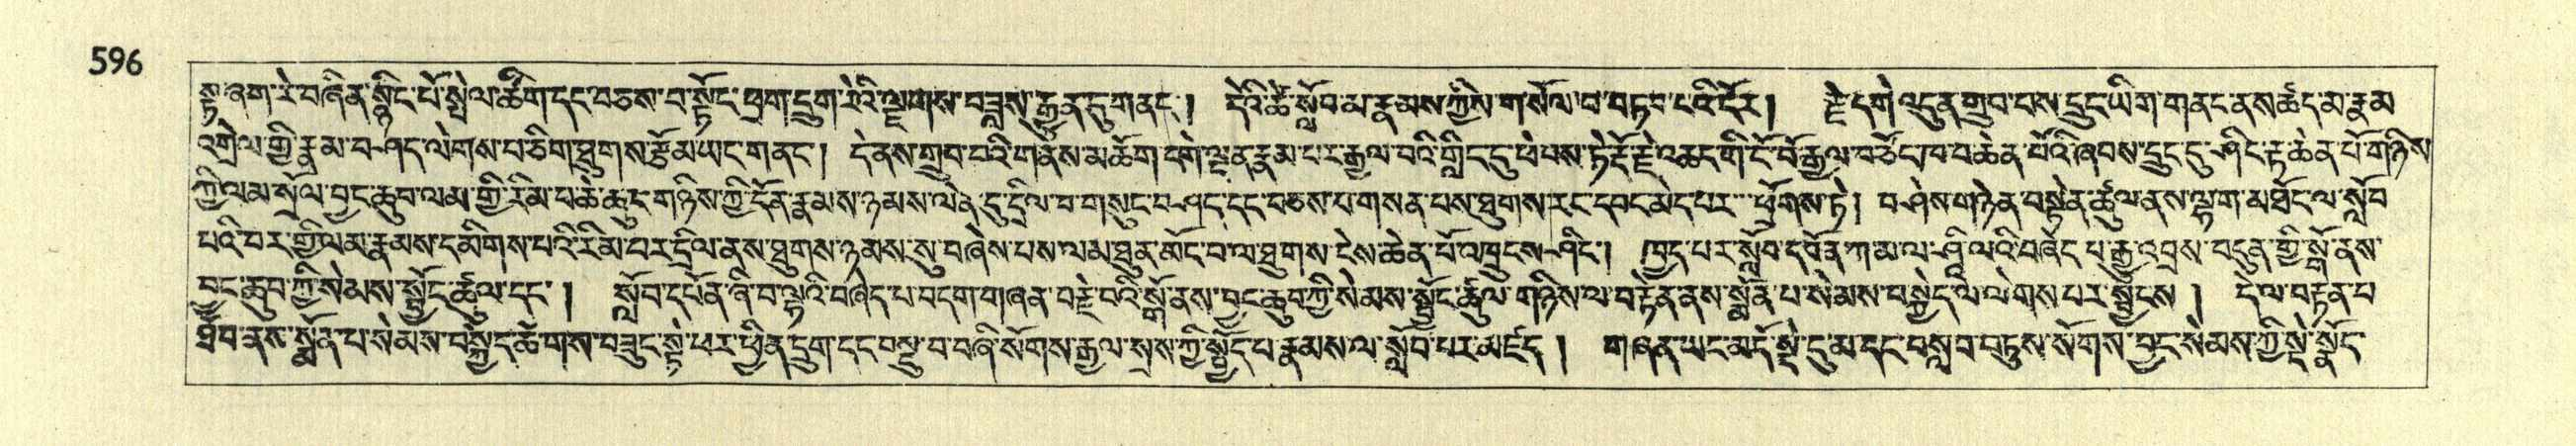སྟ་ཞག་རེ་བཞིན་སྙིང་པོ་སྤེལ་ཚིག་དང་བཅས་བ་སྟོང་ཕྲག་དྲུག་རེའི་ལྗགས་བཟླས་རྒྱུན་དུ་གནང་། དེའི་ཚེ་སློབ་མ་རྣམས་ཀྱིས་གསོལ་བ་བཏབ་པའི་དོར། རྗེ་དགེ་འདུན་གྲུབ་བས་དྲུང་ཡིག་གནང་ནས་ཚད་མ་རྣམ་
འགྲེལ་གྱི་རྣམ་བཤད་ལེགས་པ་ཅིག་ཐུགས་རྩོམ་ཡང་གནང་། དེ་ནས་གྲུབ་བའི་གནས་མཆོག་དགེ་ལྡན་རྣམ་པར་རྒྱལ་བའི་གླིང་དུ་ཕེབས་ཏེ་རྡོ་རྗེ་འཆང་གི་ངོ་བོ་རྒྱལ་བཙོང་ཁ་བ་ཆེན་པོའི་ཞབས་དྲུང་དུ་ཤིང་རྟ་ཆེན་པོ་གཉིས་
ཀྱི་ལམ་སྲོལ་བྱང་ཆུབ་ལམ་གྱི་རིམ་པ་ཆེ་ཆུང་གཉིས་ཀྱི་དོན་རྣམས་ཉམས་ལེན་དུ་དྲིལ་བ་གསུང་བཤད་དང་བཅས་པ་གསན་པས་ཐུགས་རང་དབང་མེད་པར་ཕྲོགས་ཏེ། བཤེས་གཉེན་བསྟེན་ཚུལ་ནས་ལྷག་མཐོང་ལ་སློབ་
པའི་བར་གྱི་ལམ་རྣམས་དམིགས་པའི་རིམ་པར་དྲིལ་ནས་ཐུགས་ཉམས་སུ་བཞེས་པས་ལམ་ཐུན་མོང་བ་ལ་ཐུགས་ངེས་ཆེན་པོ་འཁྲུངས་ཤིང་། ཁྱད་པར་སློབ་དཔོན་ཀ་མ་ལ་ཤཱི་ལའི་བཞད་པ་རྒྱུ་འབྲས་བདུན་གྱི་སྒོ་ནས་
བྱང་ཆུབ་ཀྱི་སེམས་སྦྱོང་ཚུལ་དང་། སློབ་དཔོན་ཞི་བ་ལྷའི་བཞེད་པ་བདག་གཞན་བརྗེ་བའི་སྒོ་ནས་བྱང་ཆུབ་ཀྱི་སེམས་སྦྱོང་ཚུལ་གཉིས་ལ་བརྟེན་ནས་སྨོན་པ་སེམས་བསྐྱེད་ལ་ལེགས་པར་སྦྱངས། དེ་ལ་བརྟན་པ་
ཐོབ་ནས་སྨོན་པ་སེམས་བསྐྱེད་ཆོ་གས་བཟུང་སྟེ་ཕར་ཕྱིན་དྲུག་དང་བསྡུ་བ་བཞི་སོགས་རྒྱལ་སྲས་ཀྱི་སྤྱོད་པ་རྣམས་ལ་སློབ་པར་མཛད། གཞན་ཡང་མདོ་སྡེ་དུ་མ་དང་བསླབ་བཏུས་སོགས་བྱང་སེམས་ཀྱི་སྡེ་སྣོད་